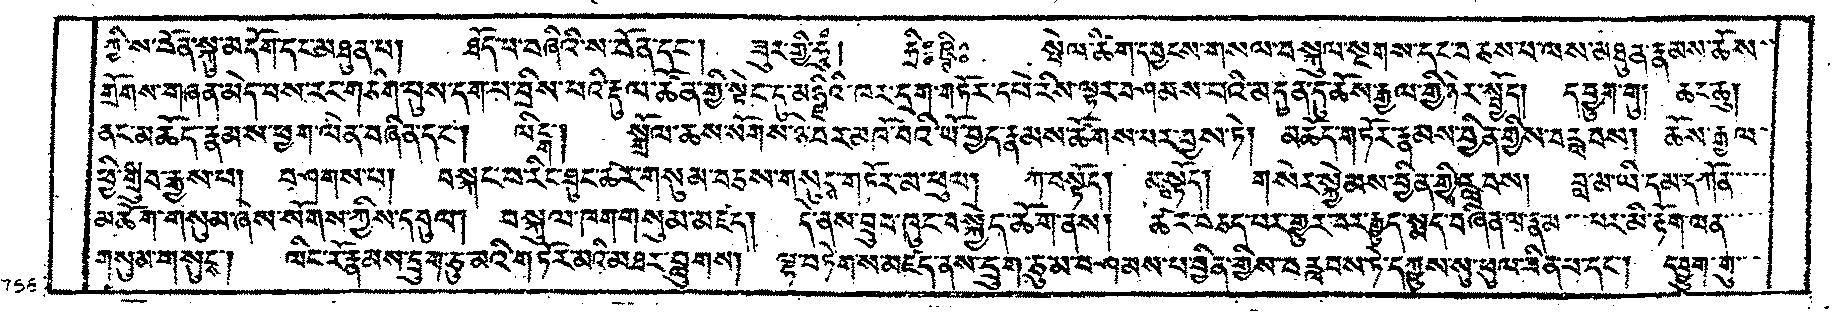ཀྱི་ས་བོན་སྐུ་མདོག་དང་མཐུན་པ། ཐོད་པ་བཞིའི་ས་བོན་དང་། ཟུར་གྱི་ཧཱུཾ། ཧྲིཿ ཥྚིཿ སྤེལ་ཚིག་དབྱངས་གསལ་བསྐུལ་སྔགས་དང་བཅས་པ་ལས་མཐུན་རྣམས་ཆོས་
གྲོགས་གཞན་མེད་པས་རང་གཅིག་པུས་དག་པ་བྲིས་པའི་རྡུལ་ཚོན་གྱི་སྟེང་དུ་མཉྫིའི་ཁར་དྲུག་གཏོར་དཔེ་རིས་ལྟར་བཤམས་པའི་མདུན་དུ་ཆོས་རྒྱལ་གྱི་ཉེར་སྤྱོད། དབྱུག་གུ །ཆང་ཆུ།
ནང་མཆོད་རྣམས་ཕྱག་ལེན་བཞིན་དང་། ལིངྒ། སྒྲོལ་ཆས་སོགས་ཉེ་བར་མཁོ་བའི་ཡོ་བྱད་རྣམས་ཚོགས་པར་བྱས་ཏེ། མཆོད་གཏོར་རྣམས་བྱིན་གྱིས་བརླབས། ཆོས་རྒྱལ་
ཕྱི་སྒྲུབ་རྒྱས་པ། བཤགས་པ། བསྐང་བ་རིང་ཐུང་ཚར་གསུམ་བཅས་གསུངས་གཏོར་མ་ཕུལ། ཀ་བསྟོད། མ་བསྟོད། གསེར་སྐྱེམས་བྱིན་གྱིས་རླབས། བླ་མ་ཡི་དམ་དཀོན་
མཆོག་གསུམ་ཞེས་སོགས་ཀྱིས་དབུལ། བསྐུལ་ཁག་གསུམ་མཛད། དེ་ནས་བྲུབ་ཁུང་བསྐྱེད་ཆོག་ནས། ཚར་བཅད་པར་གྱུར་བར་རྒྱུད་སྨད་བཞིན་ལ་རྣམ་པར་མི་རྟོག་ལན་
གསུམ་གསུངས། ལིང་རོ་རྣམས་དྲུག་ཅུ་མའི་གཏོར་མའི་མཐར་བླུགས། ལྷ་བཏེགས་མཛད་ནས་དྲུག་ཅུ་མ་བཤམས་པ་བྱིན་གྱིས་བརླབས་ཏེ་དཀྱུས་སུ་ཕུལ་ཟིན་པ་དང་། དབྱུག་གུ་